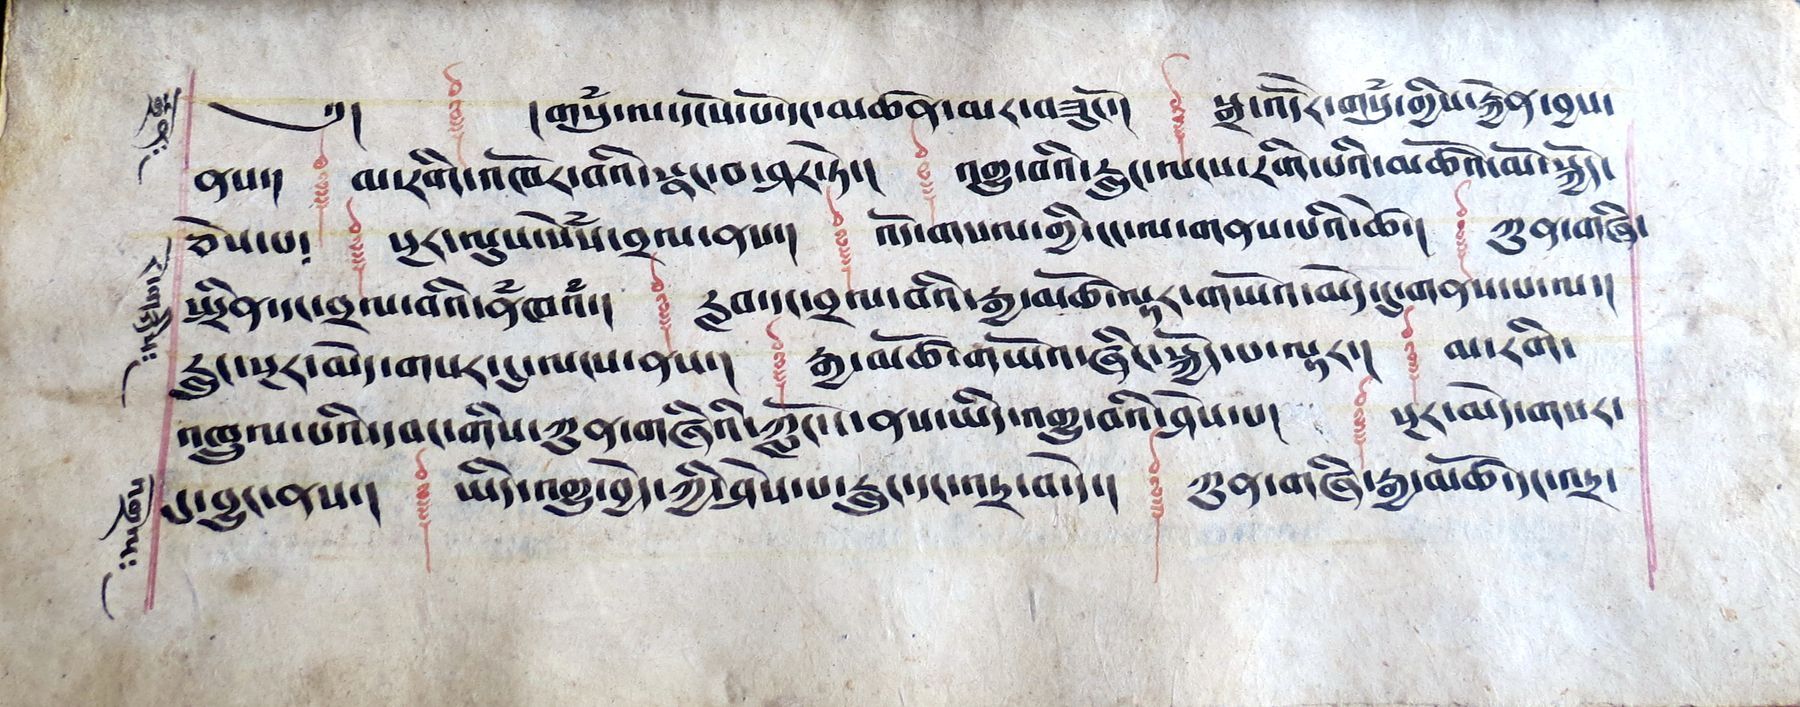གསུམ་ལ་དངོས་པོ་དང་མཚན་མར་བཟུང་ངོ་། །སྒྲ་འོད་ཟེར་གསུམ་གྱིས་རྐྱེན་བྱས་
ནས། མ་རིག་འཁོར་བའི་སྣང་བ་ཤར་ཏེ། འགྱུ་བའི་རླུང་ལངས་རིག་པའི་མཚོ་མོ་བསྐྱོད། །
ཅེས་པས། སྔར་ལུས་སེམས་བྲལ་ནས། འོད་གསལ་གྱི་ངང་ལ་གནས་པའི་ཚེ། ཀུན་གཞི་
སྤྲིན་དང་བྲལ་བའི་ནམ་མཁའ་འམ། རླབས་དང་བྲལ་བའི་རྒྱ་མཚོ་ལྟར་གཡོ་མེད་དུ་གནས་པ་ལ། 
རླུང་སྔར་མེད་གསར་དུ་ལངས་ནས། རྒྱ་མཚོ་གཡོ་ཞིང་བསྐྱོད་པ་ལྟར། མ་རིག་
འཁྲུལ་པའི་དབང་གིས་ཀུན་གཞིའི་ཀློང་ནས་ཡིད་འགྱུ་བའི་ཤེས་པ། སྔར་མེད་གསར་
དུ་བྱུང་ནས། ཡིད་འགྱུ་བྱེད་ཀྱི་ཤེས་པ་རླུང་དང་འདྲ་བ་དེས། ཀུན་གཞི་རྒྱ་མཚོ་དང་འདྲ་